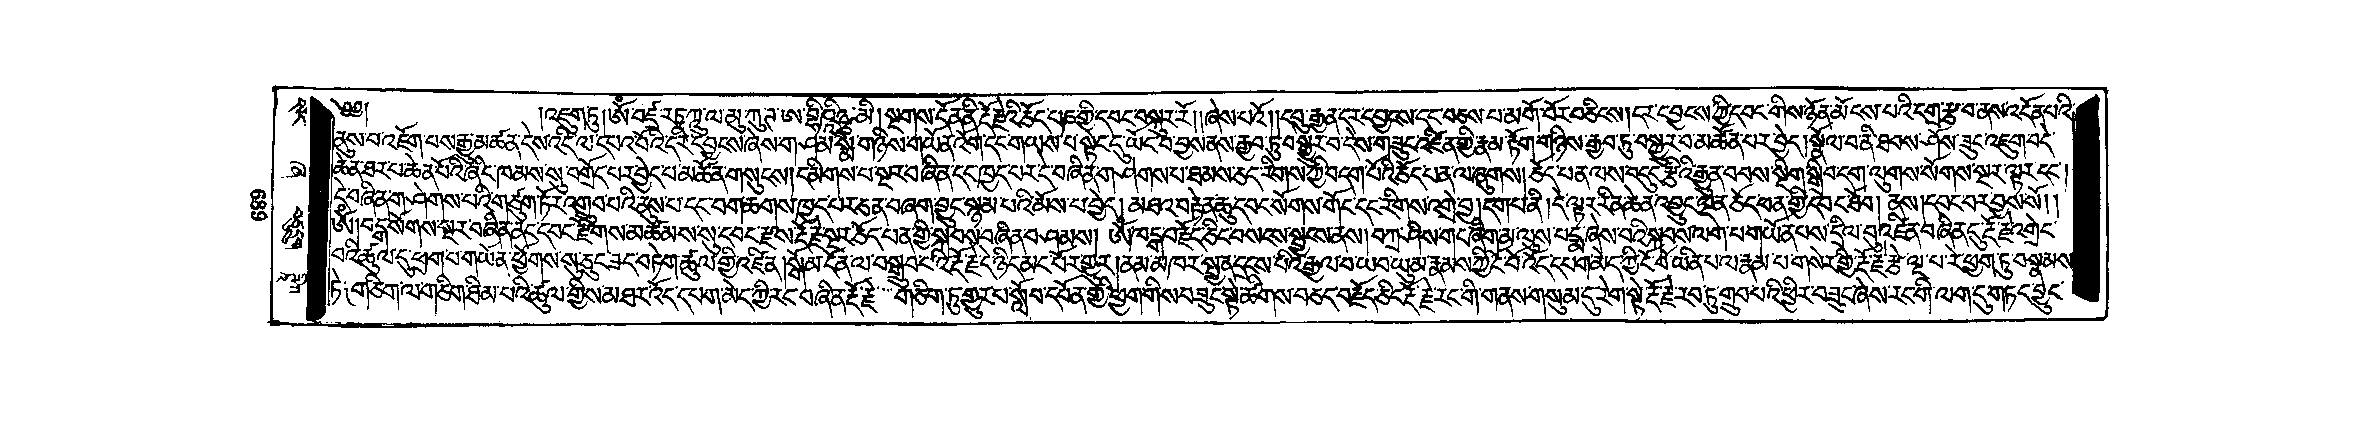༄༅། །འཇུག་ཏུ། ཨོཾ་བྫྲ་རཏྣ་ཀཱུ་ལ་མུ་ཀུ་ཊ་ཨ་བྷི་ཥཱིཉྩ་མི། སྔགས་དོན་ནི་རྡོ་རྗེའི་ཅོད་པཎ་གྱི་དབང་བསྐུར་རོ། །ཞེས་པའོ། །དབུ་རྒྱན་དར་དབྱངས་དང་བཅས་པ་མགོ་བོར་བཅིངས། དར་དབྱངས་ཀྱི་དབང་གིས་ཉོན་མོངས་པའི་དགྲ་རྩ་བ་ནས་འདོན་པའི་
ནུས་པ་འཇོག་པས་རྒྱུ་མཚན་དེས་འདི་ལ་དཔའ་བོའི་དར་དབྱངས་ཞེས་གཤམ་སྨི་གཉིས་གཡོན་འོག་དང་གཡས་པ་སྟེང་དུ་ཡོང་བ་བྱས་ནས་རྒྱབ་ཏུ་བསྒྱུར་བ་དེས་གཟུང་འཛིན་གྱི་རྣམ་རྟོག་གཉིས་རྒྱབ་ཏུ་བསྐྱུར་བ་མཚོན་པར་བྱེད། སྣོལ་བ་ནི་ཐབས་ཤོས་ཟུང་འཇུག་བདེ་
ཆེན་ཐར་པ་ཆེན་པོའི་ཞིང་ཁམས་སུ་བགྲོད་པར་བྱེད་པ་མཚོན་གསུངས། དམིགས་པ་སྔར་བཞིན་དང་ཁྱད་པར་དེ་བཞིན་གཤེགས་པ་ཐམས་ཅད་རིགས་ཀྱི་བདག་པོའི་ཅོད་པན་ལ་ཞུགས། ཅོད་པན་ལས་བདུད་རྩིའི་རྒྱུན་བབས་སྡིག་སྒྲིབ་དག་ལུགས་སོགས་སྔར་ལྟར་དང་།
དེ་བཞིན་གཤེགས་པའི་གཙུག་ཏོར་འགྲུབ་པའི་ནུས་པ་དང་བག་ཆགས་ཁྱད་པར་ཅན་བཞག་བྱུང་སྙམ་པའི་མོས་པ་བྱེད། མཐའ་བརྟེན་ཆུ་དབང་སོགས་གོང་དང་རིགས་འགྲེ་བྱ། དག་པ་ནི། དེ་ལྟར་རིན་ཆེན་འབྱུང་ལྡན་ཅོད་ཕན་གྱི་དབང་ཐོབ། ནས། དབང་བར་བྱས་སོ། །
ཨོཾ། བངག་སོགས་སྔར་བཞིན་ནང་དབང་རྫོགས་མཚམས་སུ་ཨོགས་སྔར་རྡོ་རྗེ་སྔར་ཅོད་པན་གྱི་སྐབས་བཞིན་བཤམས། ཨ་མ་ཁངྒ་བརྗོད་ཅིང་བསངས་སྦྱངས་ནས། བཀྲ་ཤིས་གང་ཞིག་མ་ལུས་པདམ་ཞེས་པའི་སྐབས་ལག་པ་གཡོན་པས་དྲིལ་བུ་འཛིན་བཞིན་དུ་རྡོ་རྗེ་འགྲེང་
བའི་ཚུལ་དུ་ཕྲག་པ་གཡོན་ཕྱོགས་སུ་ཅུང་ཟད་བཏེག་ཚུལ་གྱི་འཛིན། སྒོམ་དོན་ལ་བསྒྲུབ་པའི་རྡོ་རྗེ་དེ་ཉིད་མང་པོར་གྱུར། ནམ་མཁར་སྤྱན་དྲངས་པའི་རྒྱལ་བ་ཡབ་ཡུམ་རྣམས་ཀྱི་ངོ་བོ་འོད་དཔག་མེད་ཀྱི་ངོ་བོ་ཡིན་པ་ལ་རྣམ་པ་གསེར་གྱི་རྡོ་རྗེ་རྩེ་ལྔ་པ་རེ་ཕྱག་ཏུ་བསྣམས་
ཏེ། གཅིག་ལ་གཅིག་ཐིམ་པའི་ཚུལ་གྱིས་མཐར་འོད་དཔག་མེད་ཀྱི་རང་བཞིན་རྡོ་རྗེ་གཅིག་ཏུ་གྱུར་པ་སློབ་དཔོན་གྱི་ཕྱག་གིས་བཟུང་སྟེ་ཚིགས་བཅད་བརྗོད་ཅིང་རྡོ་རྗེ་རང་གི་གནས་གསུམ་དུ་རེག་སྟེ་རྡོ་རྗེ་རབ་ཏུ་གྲུབ་པའི་ཕྱིར་བཟུང་ཞེས་རང་གི་ལག་དུ་གཏང་བྱུང་